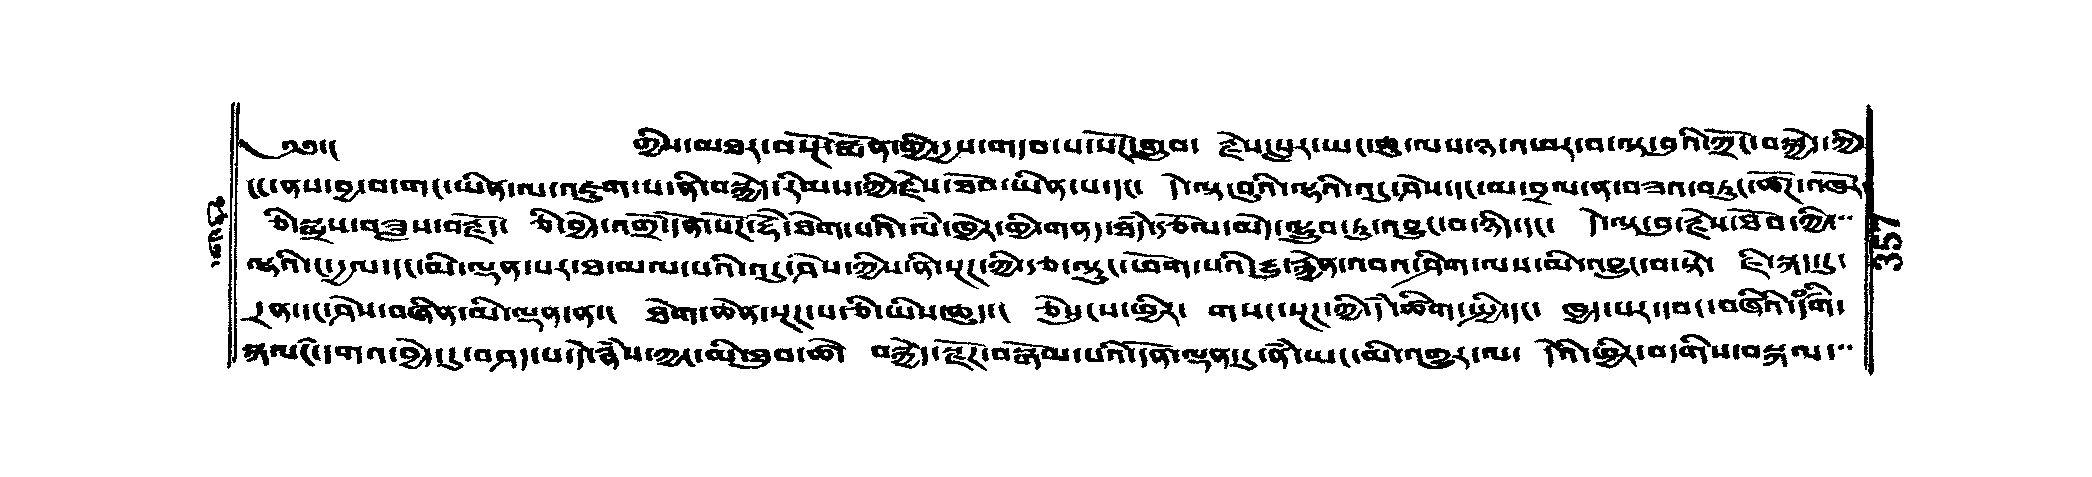གྱིས་མཐར་བསྔོ་སྨོན་གྱི་རྒྱས་གདབ་པ་སོགས་གྲུབ། རྗེས་སླར་ཡང་ཆུ་ལས་ཉ་འཕར་བ་ལྟ་བུའི་ཀྲོང་བསྐྱེད་ཀྱི་
ངང་ནས་བྱ་བ་གང་ཡིན་ལ་འཇུག་པ་ནི་བསྐྱེད་རིམ་གྱི་རྗེས་ཐོབ་ཡིན་པ་དང་། དེ་ལྟ་བུའི་ལྷའི་འདུ་ཤེས་དང་མ་བྲལ་ན་བཟའ་བཏུང་ཚོགས་འཁོར་
ཅི་སྨྲས་བཟླས་བརྗོད། ཅི་བྱེད་འགྲོ་དོན་སོགས་རྡོ་རྗེ་ཐེག་པའི་ལམ་ཁྱེར་གྱི་གནད་ཐམས་ཅད་རྩོལ་མེད་ལྷུན་གྲུབ་ཏུ་འབྱུང་བ་ཉིད་དང་། དེ་ལྟ་བུ་རྗེས་ཐོབ་ཀྱི་
ལྷའི་ང་རྒྱལ་དང་མི་ལྡན་པར་ཐ་མལ་པའི་འདུ་ཤེས་ཀྱིས་ནི་སྔགས་ཀྱི་རྩ་ལྟུང་ཕོག་པའི་རྒྱུ་རྐྱེན་འབའ་ཤིག་ལས་མི་འབྱུང་བ་སྟེ། ཇི་སྐད་དུ། 
དྲན་དང་ཤེས་བཞིན་མི་ལྡན་ན། །ཐེག་ཆེན་སྔགས་སུ་ཅི་ཡིས་ཚུད། ཅེས་གསུངས་ཕྱིར། གསང་སྔགས་ཀྱི་དམ་ཚིག་སྤྱི་དང་། ཁྱད་པར་དབང་བཞིའི་དམ་ཚིག་
སྐལ་བཟང་དགའ་བྱེད་དུ་བཤད་པ་དེ་རྣམས་ཀྱང་མི་ཐུབ་ཚེ། བསྐྱེད་རྫོགས་བསྒོམ་པ་དོན་ལྡན་དུ་ནམ་ཡང་མི་འགྱུར་ལ། དེའི་ཕྱིར་བདག་གིས་བསྐལ་